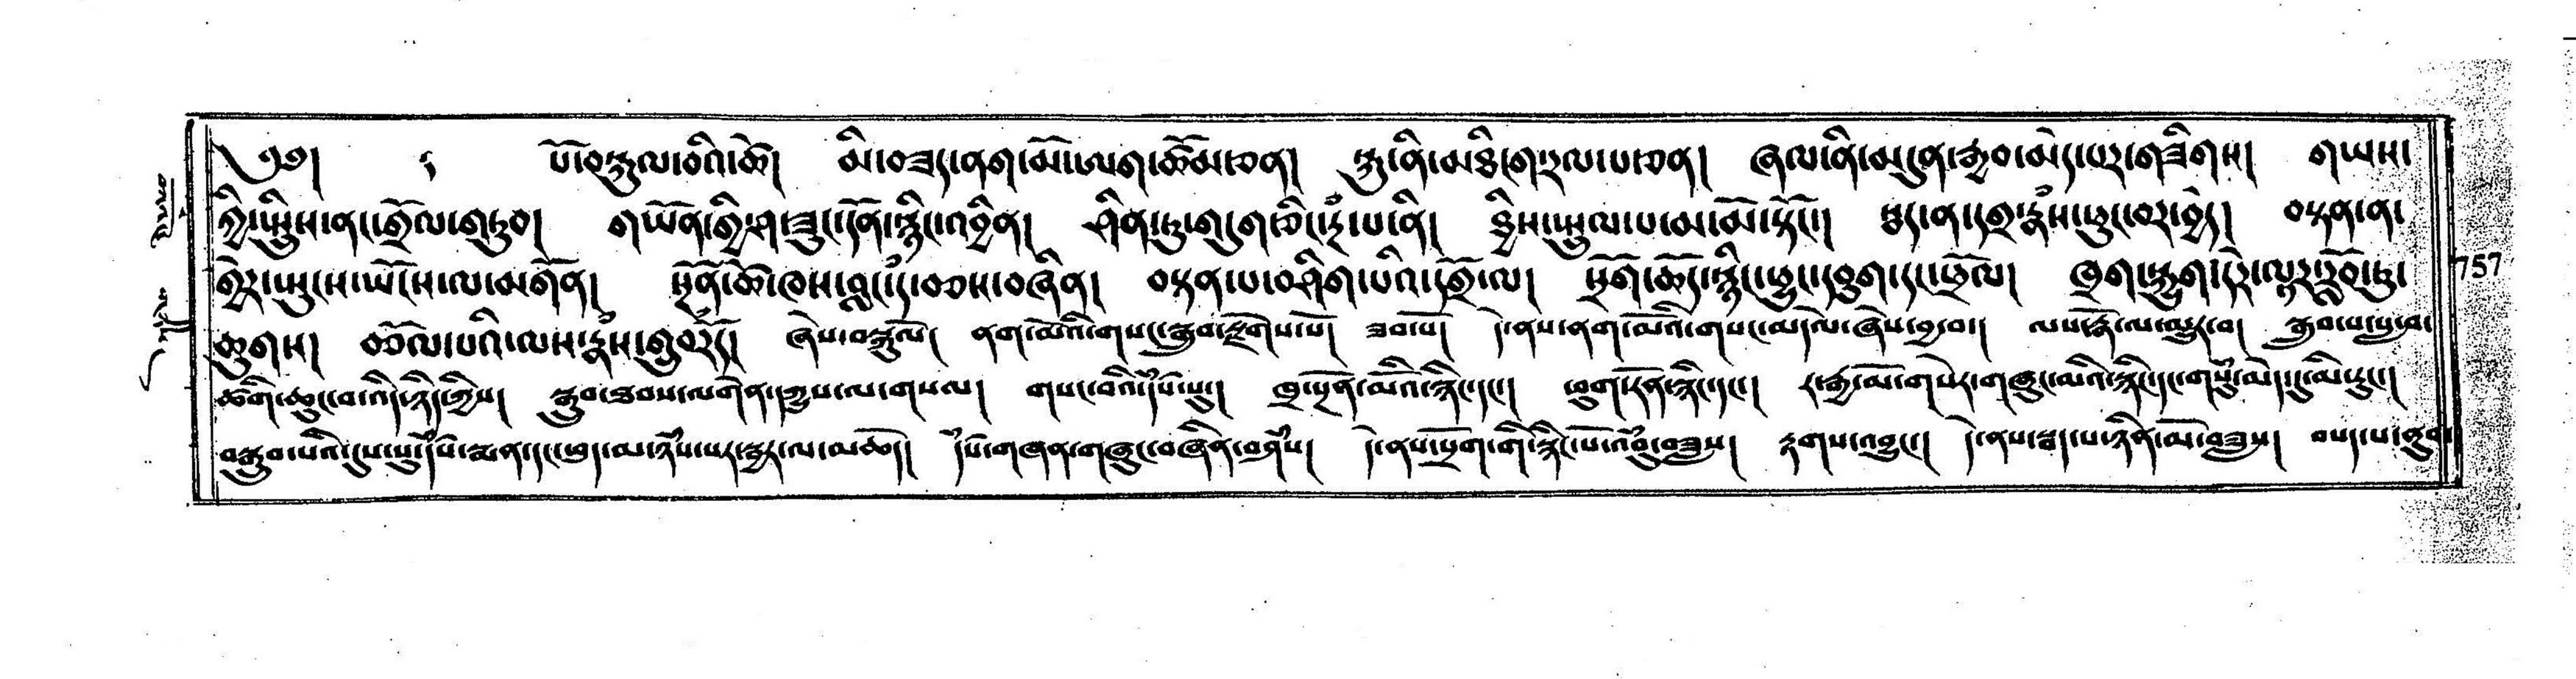པོ་བསྐུལ་བའི་ཚེ། མི་བཟད་ནག་མོ་ཨག་ཚོམ་ཅན། སྐུ་ནི་མཐིང་ནག་རལ་པ་ཅན། ཞལ་ནི་མདུན་རྒྱབ་མེད་པར་གཟིགས། གཡས་
ཀྱི་སྤུ་གྲིས་ནང་གྲོལ་གཏུབ། གཡོན་གྱི་ཤ་ཟུང་དོན་སྙིང་འབྱིན། ཤིན་ཏུ་གདུག་ཅིང་རྔམ་པ་ནི། ཐུགས་ཀྱི་སྤྲུལ་པ་མ་མོ་སྟོང་། སྦད་ན་དགྲ་རྣམས་ཕུང་བར་བྱེད། བསྟན་ན་
གྱེར་སྤུངས་ཡོངས་ལ་མགོན། སྔོན་ཚེ་ཁས་བླང་དམ་བཅས་བཞིན། བསྟན་པ་བཤིག་པའི་དགྲ་བོ་ལ། སྲོག་ཆོད་སྙིང་ཕྱུང་དབུག་དང་ཕྲོལ། ཁྲག་སྐྱུག་དེར་ལྟར་རློབ་ཏུ་
ཆུགས། བཅོལ་པའི་ལས་རྣམས་གྲུབ་པར་མཛོད། ཞེས་བསྐུལ་ལོ། ནག་མོའི་གསང་སྒྲུབ་རྫོགས་སོ། ཟབ་པོ། དེ་ནས་ནག་མོའི་གསང་མདེལ་ཞེས་བྱ་བ། ལས་རྣོ་ལ་མྱུར་བ། སྒྲུབ་པ་སླ་བ་
ཚིག་ཆུང་བ་འདི་ཉིད་ཀྱིས། སྒྲུབ་ཐབས་ལག་ལེན་དཀྱུས་ལ་གསལ། གསང་བའི་དམ་རྫས་སུ། ཁྲ་སྔོན་མོའི་སྙིང་དང་། ཕུག་རོན་སྙིང་དང་། ར་རྒྱ་མོ་གསེར་གཞུང་མའི་སྙིང་དང་གསུམ་མེད་དུ་མི་རུང་། 
བསྒྲུབ་པའི་དུས་སུ་དམ་རྫས་སྨན་དང་ཕུད་མ་ཉམས་པར་སྦྱར་ལ་མཆོད། དམ་རྫས་གཞན་གཞུང་བཞིན་བཤམས། དེ་ནས་སྲོག་གི་སྙིང་པོ་འབུམ་བཟླས། རྟགས་འབྱུང་། དེ་ནས་སྦད་པ་ཉིན་མོ་བཟླས། བསད་པ་ནུབ་